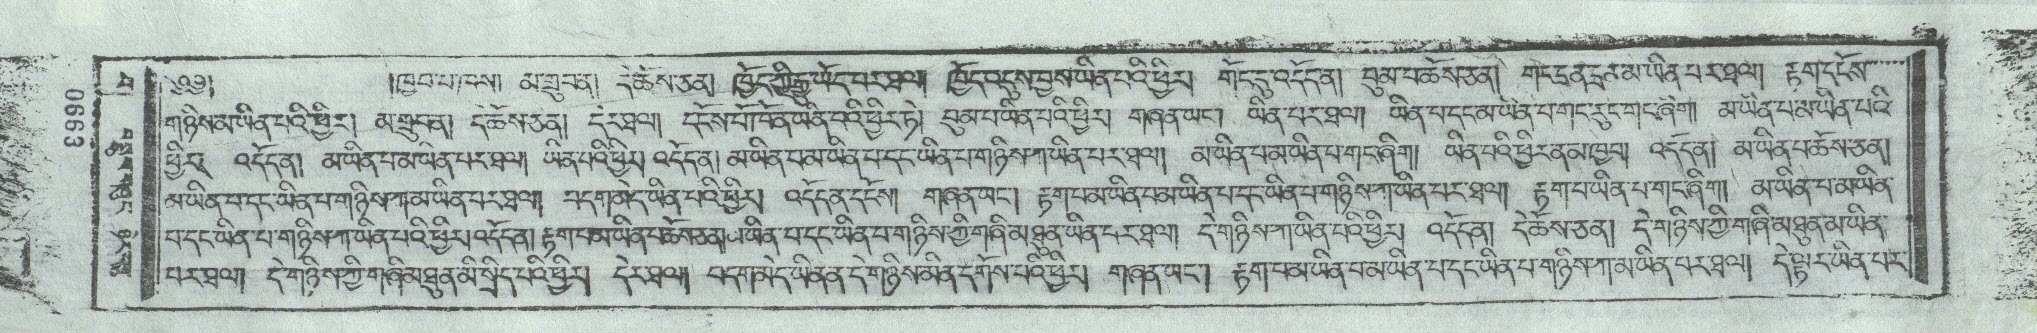༄༅། །ཁྱབ་པ་ཁས། མ་གྲུབ་ན། དེ་ཆོས་ཅན། ཁྱོད་ཀྱི་རྒྱུ་ཡོད་པར་ཐལ། ཁྱོད་འདུས་བྱས་ཡིན་པའི་ཕྱིར། གོང་དུ་འདོད་ན། བུམ་པ་ཆོས་ཅན། གང་དྲན་དྲན་མ་ཡིན་པར་ཐལ། རྟག་དངོས་
གཉིས་མ་ཡིན་པའི་ཕྱིར། མ་གྲུབ་ན། དེ་ཆོས་ཅན། དེར་ཐལ། དངོས་པོ་ཁོ་ན་ཡིན་པའི་ཕྱིར་ཏེ། བུམ་པ་ཡིན་པའི་ཕྱིར། གཞན་ཡང་། ཡིན་པར་ཐལ། ཡིན་པ་དང་མ་ཡིན་པ་གང་རུང་གང་ཞིག། མ་ཡིན་པ་མ་ཡིན་པའི་
ཕྱིར༑ འདོད་ན། མ་ཡིན་པ་མ་ཡིན་པར་ཐལ། ཡིན་པའི་ཕྱིར། འདོད་ན། མ་ཡིན་པ་མ་ཡིན་པ་དང་ཡིན་པ་གཉིས་ཀ་ཡིན་པར་ཐལ། མ་ཡིན་པ་མ་ཡིན་པ་གང་ཞིག། ཡིན་པའི་ཕྱིར་ན་མ་ཁྱབ། འདོད་ན། མ་ཡིན་པ་ཆོས་ཅན།
མ་ཡིན་པ་དང་ཡིན་པ་གཉིས་ཀ་མ་ཡིན་པར་ཐལ། བདག་མེད་ཡིན་པའི་ཕྱིར། འདོད་ན་དངོས། གཞན་ཡང་། རྟག་པ་མ་ཡིན་པ་མ་ཡིན་པ་དང་ཡིན་པ་གཉིས་ཀ་ཡིན་པར་ཐལ། རྟག་པ་ཡིན་པ་གང་ཞིག། མ་ཡིན་པ་མ་ཡིན་
པ་དང་ཡིན་པ་གཉིས་ཀ་ཡིན་པའི་ཕྱིར། འདོད་ན། རྟག་པ་མ་ཡིན་པ་ཆོས་ཙམ་མ་ཡིན་པ་དང་ཡིན་པ་གཉིས་ཀྱི་གཞི་མཐུན་ཡིན་པར་ཐལ། དེ་གཉིས་ཀ་ཡིན་པའི་ཕྱིར། འདོད་ན། དེ་ཆོས་ཅན། དེ་གཉིས་ཀྱི་གཞི་མཐུན་མ་ཡིན་
པར་ཐལ། དེ་གཉིས་ཀྱི་གཞི་མཐུན་མི་སྲིད་པའི་ཕྱིར། དེར་ཐལ། བདག་མེད་ཡིན་ན་དེ་གཉིས་མིན་དགོས་པའི་ཕྱིར། གཞན་ཡང་། རྟག་པ་མ་ཡིན་པ་མ་ཡིན་པ་དང་ཡིན་པ་གཉིས་ཀ་མ་ཡིན་པར་ཐལ། དེ་ལྟར་ཡིན་པར་